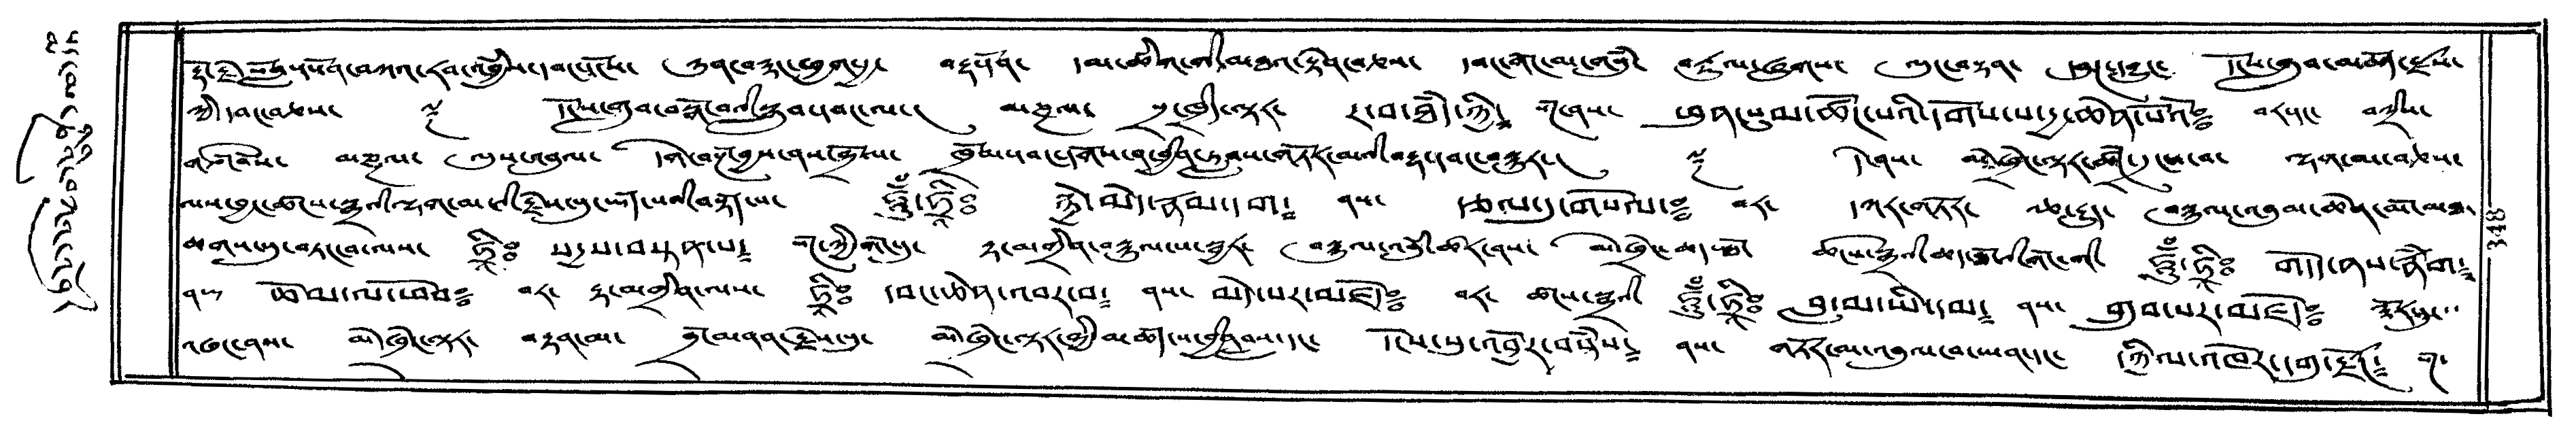རྡོ་རྗེ་སློབ་དཔོན་བཀའ་རབ་འབྱམས་ཀྱི་དབང་དངོས། ཀུན་བཟང་ཕྱག་རྒྱ། བརྡ་དོན། དམ་ཚིག་གི་མཐའ་རྟེན་བཅས། དབང་གོང་མ་གསུམ། བརྟུལ་ཞུགས། ལུང་བསྟན། དབུགས་དབྱུང་། དངོས་གྲུབ་མཆོད་རྫས་
ཀྱི་དབང་བཅས། དངོས་གྲུབ་བསྒོ་བའི་སྒྲུབ་དབང་ལ། མཎྜལ། པྲ་ཁྲིད་ལྟར།ར་བ་ཐམས་ཅད་ཀྱི༴ སོགས་ནས། ཕུན་སུམ་ཚོགས་པའི་དགོས་པ་རྒྱ་ཆེན་པོའོ༔ བར་དང་། བཀྲ་ཤིས། 
གཙོ་བོས༴ མཎྜལ། ལུས་འབུལ། དགེ་བསྔོ་བཅས་བྱས་ནས་གྲོལ། ཁྲོམ་དབང་དགོས་ན་བྱིན་རླབས་གཏོར་མའི་བརྡ་དབང་བསྐུར། དེ་ནས། མེ་ཕྲེང་ལྟར་ཚོགས་དྲངས་བ། ལྷག་མ་བཅས་
ལས་བྱང་ཚངས་སྒྲའི་ལྷག་མའི་རྗེས་སུ་ཡོད་པའི་བསྟོད་པ། ཧཱུྃ་ཧྲཱིཿ སྐྱེ་མེད་རྣམ་དག༴ ནས། བསྩལ་དུ་སོལ༔ བར་། དཀར་གཏོར། རྩ་རྒྱུད། བསྐུལ་འབུམ་ཆེན་མོ་མཐར་
ཆགས་སུ་བཏང་བ་ལས། ཧྲཱིཿ སངས་རྒྱས་བསྟན་པ༴ སོགས་ཀྱི་གོང་དུ། རྟ་མགྲིན་བསྐུལ་པ་སྦྱར། བསྐུལ་འབུམ་ཚར་ནས། མེ་ཕྲེང་ཆད་ཐོ། ཚངས་སྒྲའི་ཆད་ཐོའི་གོང་གི ཧཱུྃ་ཧྲཱིཿ གདོད་ནས་རྣམ་དག༴ 
ནས། ཆམ་ལ་ཕོབ༔ བར། རྟ་མགྲིན་ལས། ཧྲཱིཿ དབང་ཆེན་འབར་བ༴ ནས། མེད་པར་མཛོད༔ བར། ཚངས་སྒྲའི། ཧཱུྃ་ཧྲཱིཿ བླ་མ་ཡི་དམ༴ ནས། འགྲུབ་པར་མཛོད༔ ཟོར་དུ་
འཕངས་ནས་ མེ་ཕྲེང་ལྟར། བརྟན་མ། བྲོ་མནན་རྗེས་སུ། མེ་ཕྲེང་ལྟར་གྱི་མཆོད་པ་བྱིན་རླབས་དང་། དངོས་སུ་བྱོར་བཤམས༴ ནས། གཏོར་མ་འབུལ་བ་ཡན་དང་། དཀྱིལ་འཁོར་དགུ་རྫོགས༴ སོགས་